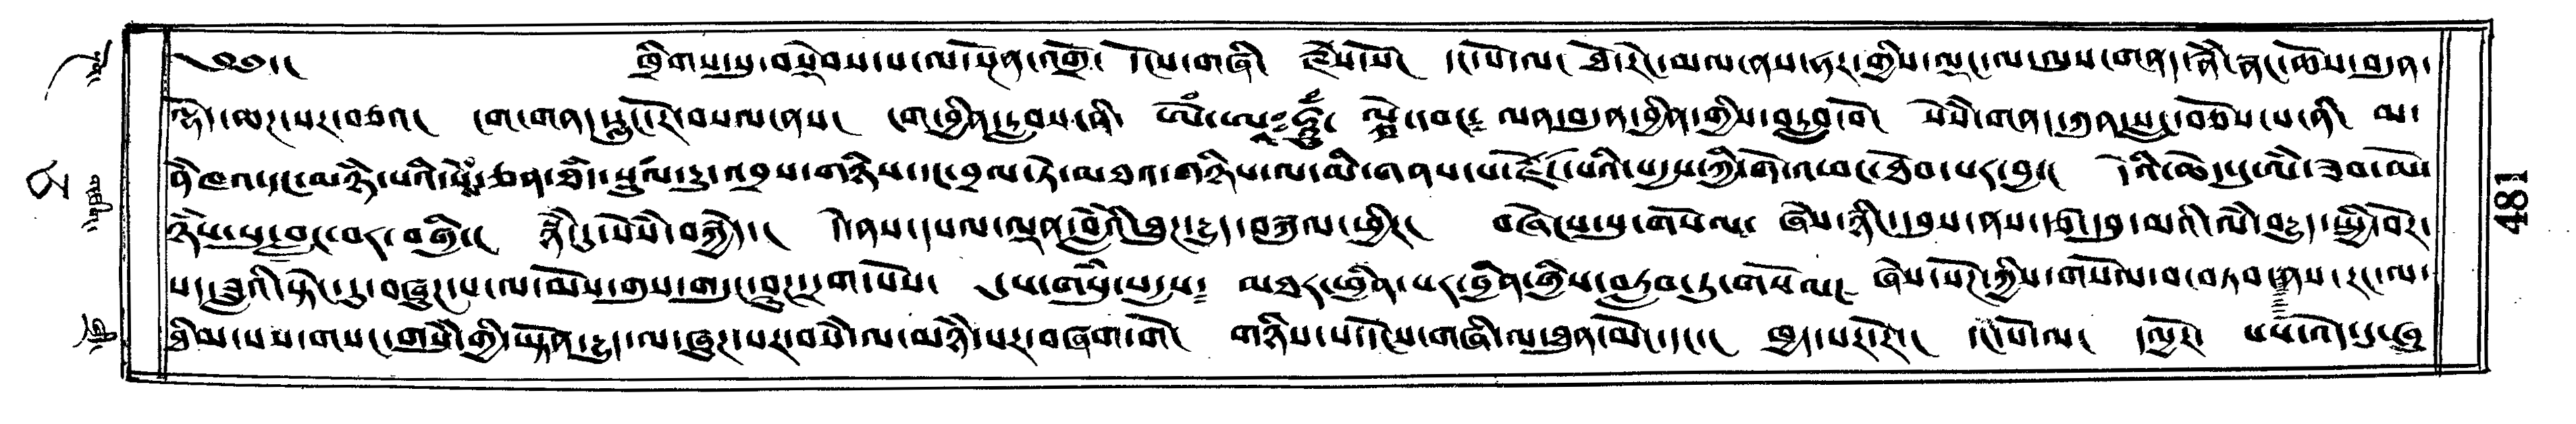༄༅། ཁྲིགས་སུ་བསྡེབས་པ་ལ་སྔོན་འགྲོ། དངོས་གཞི། རྗེས་སོ། དང་པོ་ལ། ཐོ་རངས་མལ་ནས་ཧར་གྱིས་ལྡང་ལ་ལུས་གནད་རྣམ་སྣང་ཆོས་བདུན་
ལྷོད་ཆགས་པར་བཅའ། ངག་གནད་རླུང་རོ་བསལ་ནས། ངག་བྱིན་རླབས་ནི། ཨོཾ་ཨཱཿཧཱུྃ། ལྕེ་དབང༴ ལན་བདུན་བྱིན་གྱིས་བརླབ་བོ། སེམས་གནད་ཀུན་སློང་བཅོས་པ་ནི། མ་
ནམ་མཁའ་དང་མཉམ་པའི་སེམས་ཅན་ཐམས་ཅད་སྡུག་བསྔལ་པ་རྒྱུ་འབྲས་གཉིས་དང་བྲལ་ཏེ་མཐའ་གཉིས་ལ་མི་གནས་པ་རྫོགས་པའི་སངས་རྒྱས་ཀྱི་གོ་འཕང་འཐོབ་པར་བྱ། དེའི་ཆེད་དུ་ལམ་ཟབ་མོ་
ཉམས་སུ་བླང་བར་བགྱིའོ། སྙམ་དུ་སེམས་བསྐྱེད། དེ་ནས་དཔལ་ལྡན་བླ་མའི་ཐུགས་རྒྱུད་སྐུལ་ཕྱིར། བཞེངས་སུ་གསོལ། ཞེས་སྙིང་དབུས་ནས་རྩ་དབུ་མའི་ལམ་བརྒྱུད་སྤྱི་བོར་
པད་ཟླའི་སྟེང་དུ་བཞུགས་པ་ལ་མོས་གུས་གདུང་ཤུགས་དྲག་པོས། དུས་གསུམ་སངས་རྒྱས༴ མཐར་ཕྱིན་པར་བྱིན་གྱིས་བརླབ་ཏུ་གསོལ། ཞེས་སོགས་ཀྱིས་གསོལ་བ་བཏབ་པས་འོད་དུ་ཞུ་ནས་རང་ལ་
ཐིམ་པས་གསང་གསུམ་གྱི་ཡོན་ཏན་རྒྱུད་ལ་ཞུགས་པར་བསམ་ལ་མཉམ་པར་གཞག་གོ གཉིས་པ་དངོས་གཞི་ལ་ཐུན་མོང་དང་། ཁྱད་པར་རོ། དང་པོ་ལ། དལ་འབྱོར་